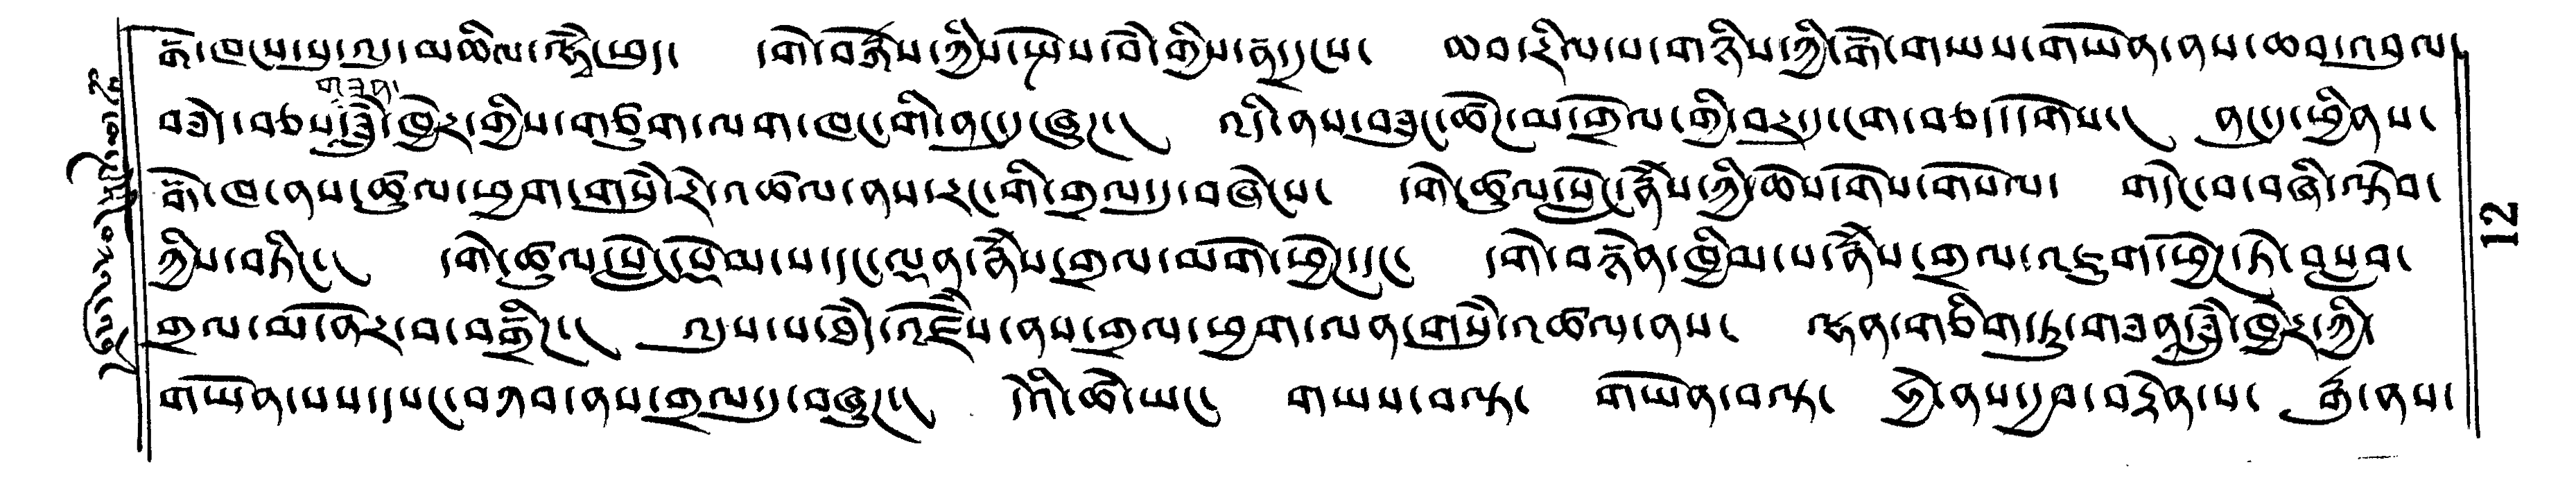སྒོ་ཁང་དུ་འདུ། མཆིལ་ལྷྭམ་ཕུད། དགེ་བསྐོས་ཀྱིས་སྤོས་བམ་གྱིས་སྣ་དྲངས། ཆབ་རིལ་པ་གཉིས་ཀྱིས་སྒོ་གཡས་གཡོན་ནས་ཆབ་འབུལ་
བཟེད་བཅས་གཟན་ཟླུམ་ཁྱེར་གྱིས་གཙུག་ལག་ཁང་གི་ནང་དུ་ཞུགས། འདི་ནས་བཟུང་ཚོགས་མ་གྲལ་གྱི་བར་དུ་ངག་བཅད་དགོས། ནང་དུ་ཕྱིན་ནས་
སྒོ་ཁ་ནས་ཚུལ་ཕྱག་གསུམ་རེ་འཚལ་ནས་རང་གི་གྲོ་དུ་བཞེངས། དགེ་ཚུལ་སློང་རྣམས་ཀྱི་ཆོས་གོས་གསོལ། གདིང་བ་བཞི་ལྟེབ་
ཀྱིས་བཏིང་། དགེ་ཚུལ་སློང་སྡོམ་པ་དང་ལྡན་པ་རྣམས་གྲལ་མགོ་ཕྱོགས་དང་། དགེ་བསྙེན་ཁྱིམ་པ་རྣམས་གྲལ་འཇུག་ཕྱོགས་ཏེ་བསླབ་
གྲལ་མ་ནོར་བར་བསྒྲིག འདུས་པ་ཐམས་ཅད་འཛོམས་ནས་གྲལ་ཕྱག་ལན་གསུམ་འཚལ་ནས། ལྷན་གཅིག་ཏུ་གཟན་ཟླུམ་ཁྱེར་ཀྱི་
གཡོན་པས་དཔང་བཀབ་ནས་གྲལ་དུ་བཞུགས། དེའི་ཚེ་ཡང་། གཡས་བལྟ། གཡོན་བལྟ། དགྱེ་ནས་རྒྱབ་བརྟེན་པ། སྒུར་ནས་